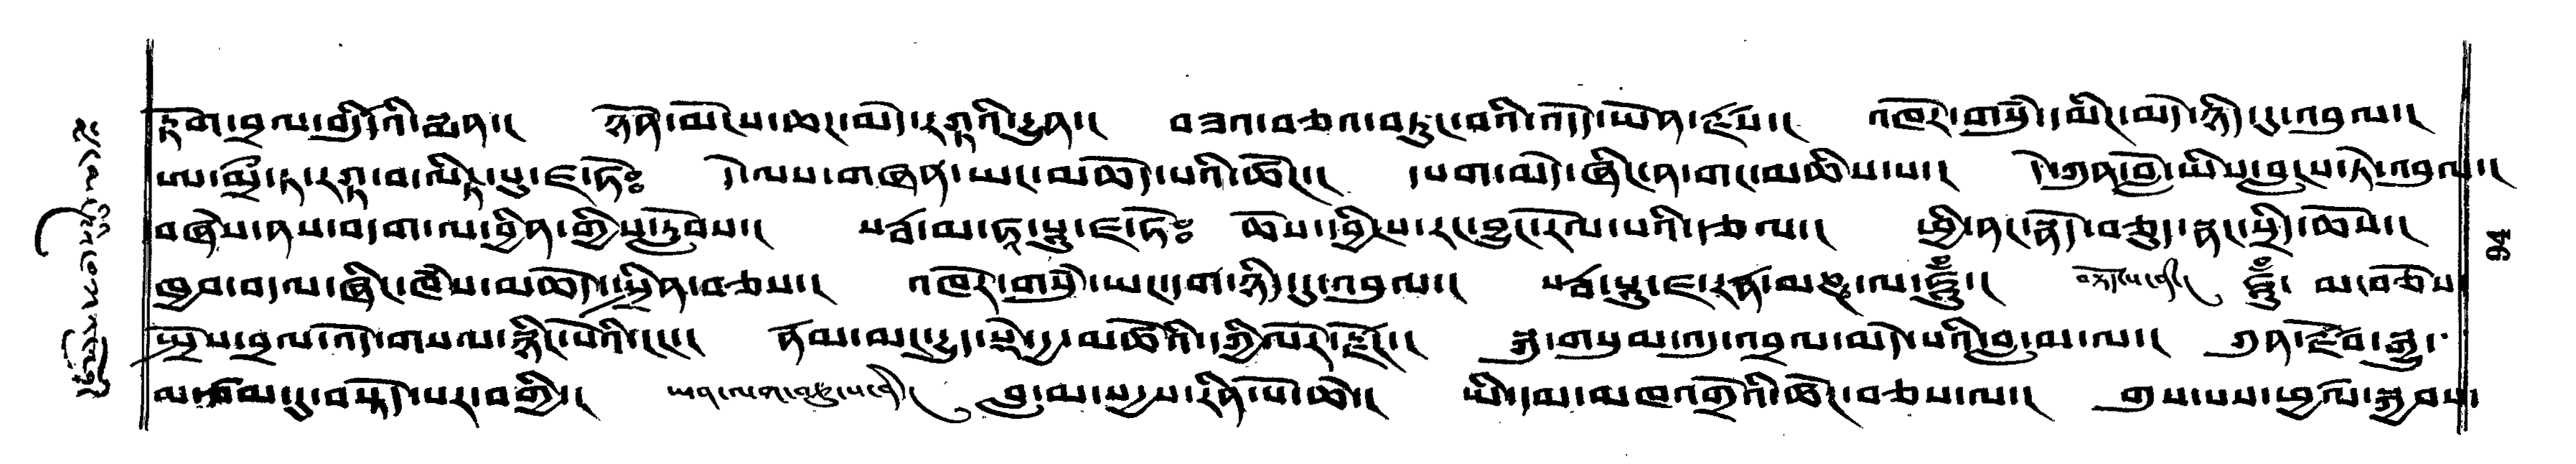རྟོག་བྲལ་བདུད་རྩིའི་སྨན། །ཉོན་མོངས་ཆགས་མེད་རཀྟའི་རྒྱུན། །བཟའ་བཅའ་བཏུང་བའི་འདོད་ཡོན་རྫས། །འཁོར་གསུམ་དམིགས་མེད་ཉིད་དུ་འབུལ། 
ཨ་མྲྀ་ཏ་རཀྟ་བ་ལིངྟ་པུ་ཛ་ཧོ། དེ་ལས་གཞན་ཡང་མཆོད་པའི་ཚོགས། །དཔག་མེད་ཞིང་ན་གང་མཆིས་པ། །དེ་ཀུན་བློ་ཡིས་བླངས་ཏེ་འབུལ། །
བཞེས་ནས་བདག་ལ་བྱིན་གྱིས་རློབས། །སརྦ་མ་ཧཱ་པཱུ་ཛ་ཧོ། ཆོས་དབྱིངས་རང་བྱུང་རོལ་པའི་རྩལ། །ཕྱི་ནང་སྣོད་བཅུད་སྣང་སྲིད་ཆོས། 
ཁྱབ་བདལ་ཞིང་ཁམས་མཆོད་སྤྲིན་བཅས། །འཁོར་གསུམ་ཡང་དག་ཉིད་དུ་འབུལ། སརྦ་པཱུ་ཛ་རཏྣ་མཎྜལ་ཧཱུྃ། བསྟོད་པ་ནི། ཧཱུྃ། མ་བཅོས་
སྤྲོས་བྲལ་འོད་གསལ་སྙིང་པོའི་ངང་། །རྣམ་མང་རྒྱུད་སྡེ་རྒྱ་མཚོའི་དཀྱིལ་འཁོར་རྫོགས། །སྐུ་གསུམ་འདུ་འབྲལ་མེད་པའི་བླ་མ་ལ། །ཀུན་རྫོབ་སྒྱུ་
མ་ཙམ་དུ་བསྟོད་པར་བགྱི། ཡན་ལག་བཅུ་པ་ནི། བླ་མ་སངས་རྒྱས་རིན་པོ་ཆེ། །ཡི་དམ་མཁའ་འགྲོའི་ཚོགས་བཅས་ལ། །གུས་པས་ཕྱག་འཚལ་སྐྱབས་